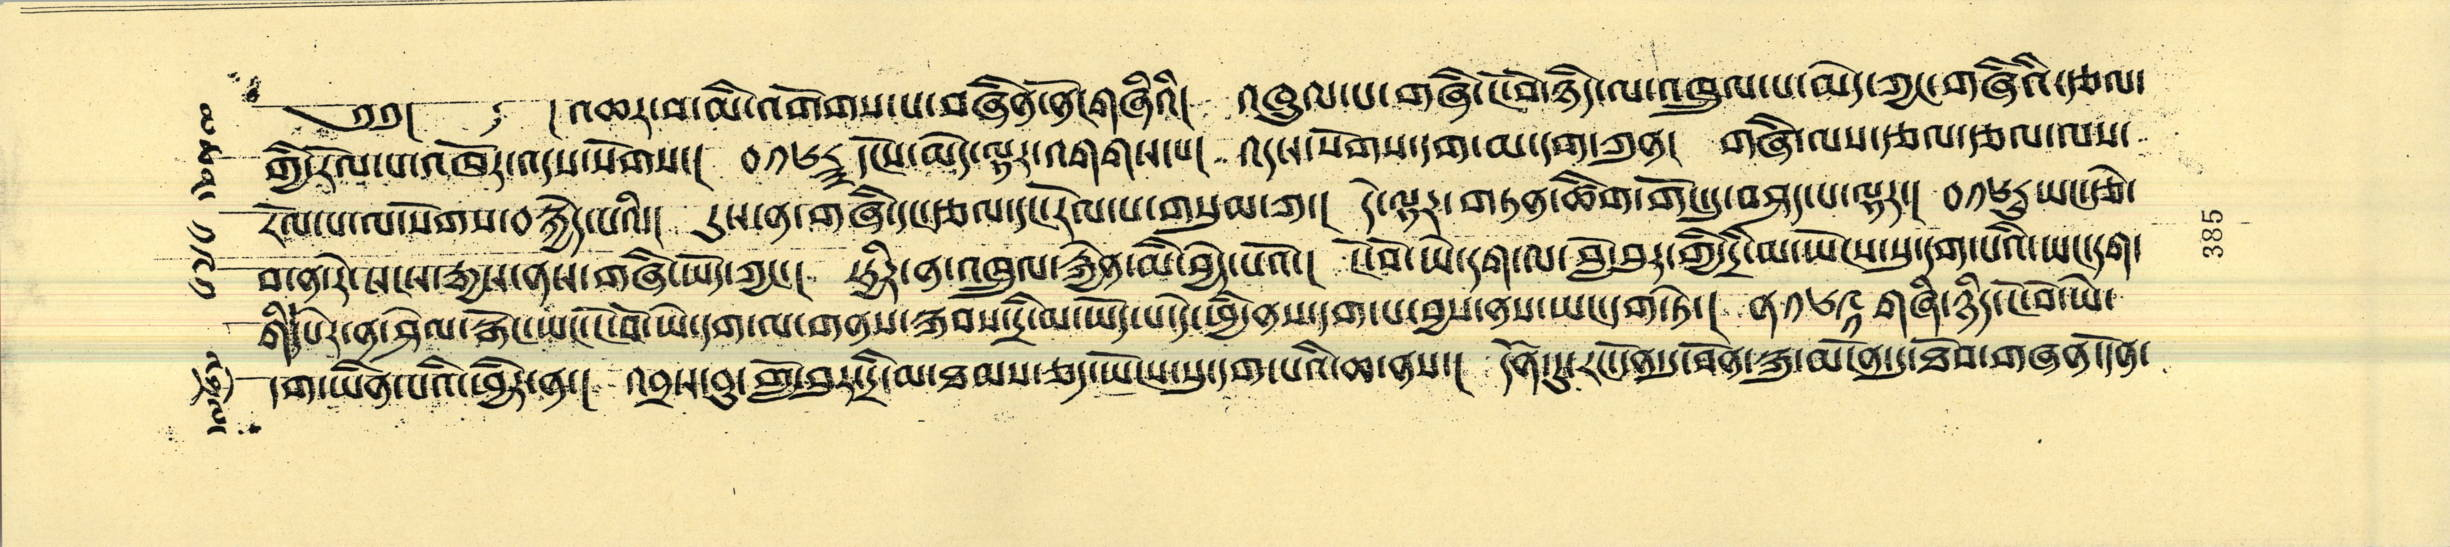འཆར་བ་མི་འགོགས་པ་བཞིན་ནོ་ ༼གཞིའི།༽ ༼འཁྲུལ་པ་༽གཞི་ངོ་བོ་ཉིད་ལ་འཁྲུལ་པ་མེད་ཀྱང་གཞིའི་རྩལ་
གྱི་རོལ་པ་འཁོར་འདས་སོགས། བ༡༦༨།༣ དངོས་མེད་ལྟར་ ༼འགགས་༽པ། ༼འདས་༽སོགས་དག་མ་དག་ཀུན། གཞི་ལས་རྩལ་རྩལ་ལས་
རོལ་པ་ལ་སོགས་ ༼བསྐྱེད་པའི།༽ ༼དུས་ན་༽གཞི་དང་རྩལ་དང་རོལ་པ་གསུམ་ཀ། ༼དེ་ལྟར་༽གཏན་ཚིག་གོང་དུ་བཤད་པ་ལྟར། བ༡༦༨།༦ ཡང་རྩེ་
བ་ན་རེ་ ༼སངས་རྒྱས་ནས་༽གཞི་ཡོད་ཀྱང། ༼ཕྱིར་༽ན་འཁྲུལ་རྐྱེན་མི་བྱེད་པའོ། ངོ་བོ་ཡེ་དག་ལ་བློ་བུར་གྱི་དྲི་མ་ཡོངས་སུ་དག་པའི་ཡང་དག་
གི་དཔེར་ན་ཤེལ་སྒོང་ཡང་ངོ་བོ་ཡེ་དག་ལ་གནས་སྐབས་དྲི་མ་ཡོད་པ་དེ་ཕྱི་ནས་དག་པ་བྱས་ནས་ཡང་དག་ཏེ། ན༡༦༩།༡ ༼གཞི་ཉིད་༽ངོ་བོ་ཡེ་
དག་ཡིན་པའི་ཕྱིར་ན། ༼འབྲས་བུ་༽བློ་བུར་དྲི་མ་ཐམས་ཅད་ཡོངས་སུ་དག་པའི་ཆ་ནས། ༼དོན་དུ་༽རང་དོན་དུ་བོན་སྐུ་མངོན་དུ་ཐོབ་གཞན་དོན་